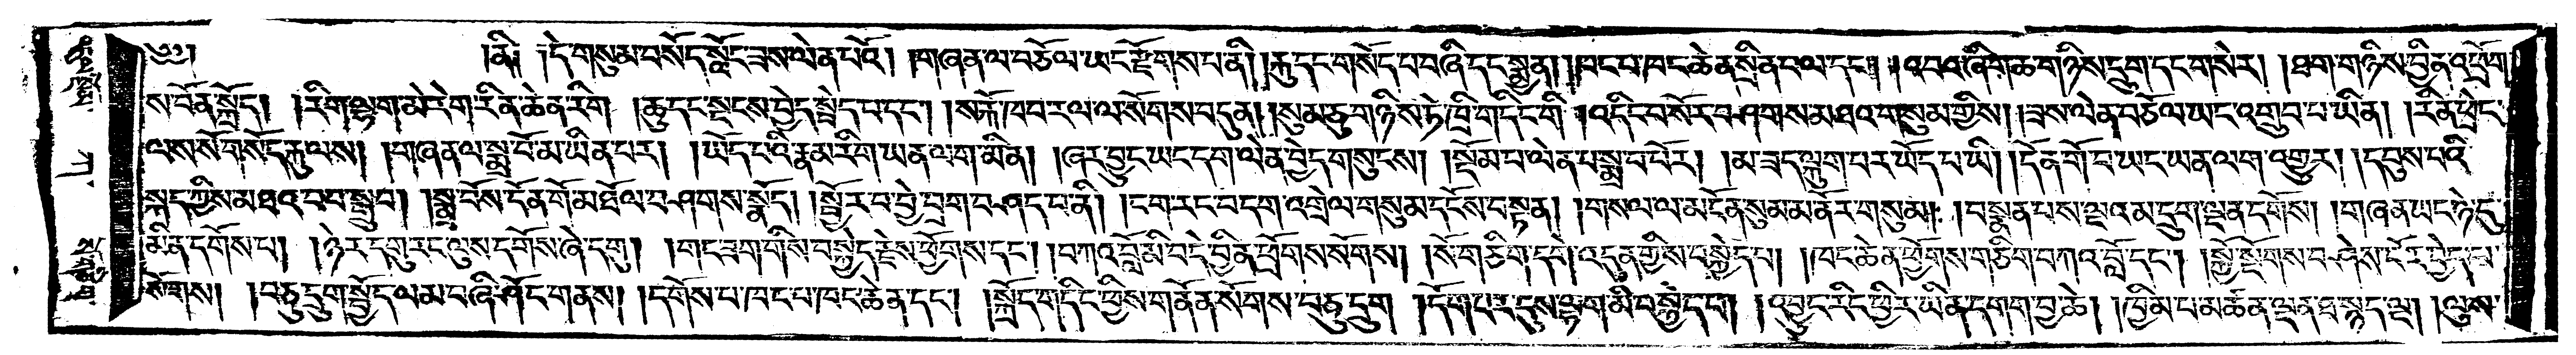༄༅། །ནི༑ ༑དེ་གསུམ་བསོད་སློང་ཟས་ལེན་པའོ། །གཞན་ལ་བཅོལ་ཡང་རྫོགས་པ་ནི། །རྐུ་དང་གསོད་པ་བཞི་དང་སྨྱན། །ཁང་པ་ཁང་ཆེན་སྲིན་བེལ་དང་། །འབའ་ཞིག་ཆ་གཉིས་དྲུག་དང་གསེར། །ཐག་གཉིས་བྱིན་འཕྲོག་
ས་བོན་སྐྲོད། །རིག་ལྷག་མེ་རིག་རིན་ཆེན་རིག །ཆུ་དང་སྡངས་བྱེད་སྦེད་པ་དང་། །ས་རྐོ་ཁབ་རལ་ལ་སོགས་བདུན། །སུམ་ཅུ་གཉིས་ཏེ་ཁྲི་གདིང་གི །འདིང་བ་སོར་བཤགས་མཐའ་གསུམ་གྱིས། །ཟས་ལེན་བཅོལ་ཡང་འགྲུབ་པ་ཡིན། །རིན་ཕྲེང་
ལས་སོ་གསོང་རྐུ་ལས། །གཞན་ལ་སྨྲ་བོ་མ་ཡིན་པར། །ཡོད་པའི་རྣམ་རིག་ཡན་ལག་མིན། །ཞར་བྱུང་ཡང་དག་ལེན་བྱེད་གསུངས། །སྡོམ་པ་ལེན་པ་སྨྲ་བ་པོར། །མ་ཟད་ལྐུག་པར་ཡོད་པ་ཡི། །དོན་གོ་བ་ཡང་ཡན་ལག་འགྱུར། །དབུས་པའི་
སྐད་ཀྱིས་མཐའ་བབ་སྒྲུབ། །སྨྲ་པོས་དོན་གོ་མཐོལ་བཤགས་སྣོད། །སྦྱོར་བ་བྱེ་བྲག་བཤད་པ་ནི། །ངག་རང་བདག་འགྲེལ་གསུམ་དངོས་བསྟན། །གསལ་ལ་མངོན་སུམ་མ་ནོར་གསུམ། །བསྣན་པས་ལྔའམ་དྲུག་ལྡན་དགོས། །གཞན་ཡང་ཉེ་དུ་
མིན་དགོས་པ། །ཉེར་དགུར་རང་ལུས་དགོས་ཞེ་དགུ། །གང་ཟག་གིས་བསྐྱེད་རྗེས་ཕྱོགས་དང་། །བཀའ་བློ་མི་བདེ་བྱིན་ཕྱོགས་སོགས། །སོ་གཅིག་དགེ་འདུན་གྱིས་བསྐྱེད་པ། །ཁང་ཆེན་ཕྱོགས་གཅིག་བཀའ་བློ་དང་། །སྐྱོ་སྡོགས་བཤེས་དོར་བྱེད་པ་
སོགས། །བཅུ་དྲུག་སྤྱོད་ལམ་བཞི་ཤོང་གནས། །དགོས་པ་ཁང་པ་ཁང་ཆེན་དང་། །སྐྲོད་གདིང་ཕྱིས་གནོན་སོགས་བཅུ་དྲུག །དོག་པར་དུས་ལྷག་མི་བསྐྱེད་པ། །འབྱུང་རིང་ཕྱིར་ཡིན་དགག་བྱ་ཆེ། །ཁྱིམ་པ་མཚན་ལྡན་ཐ་སྙད་ལྔ། །ལུས་